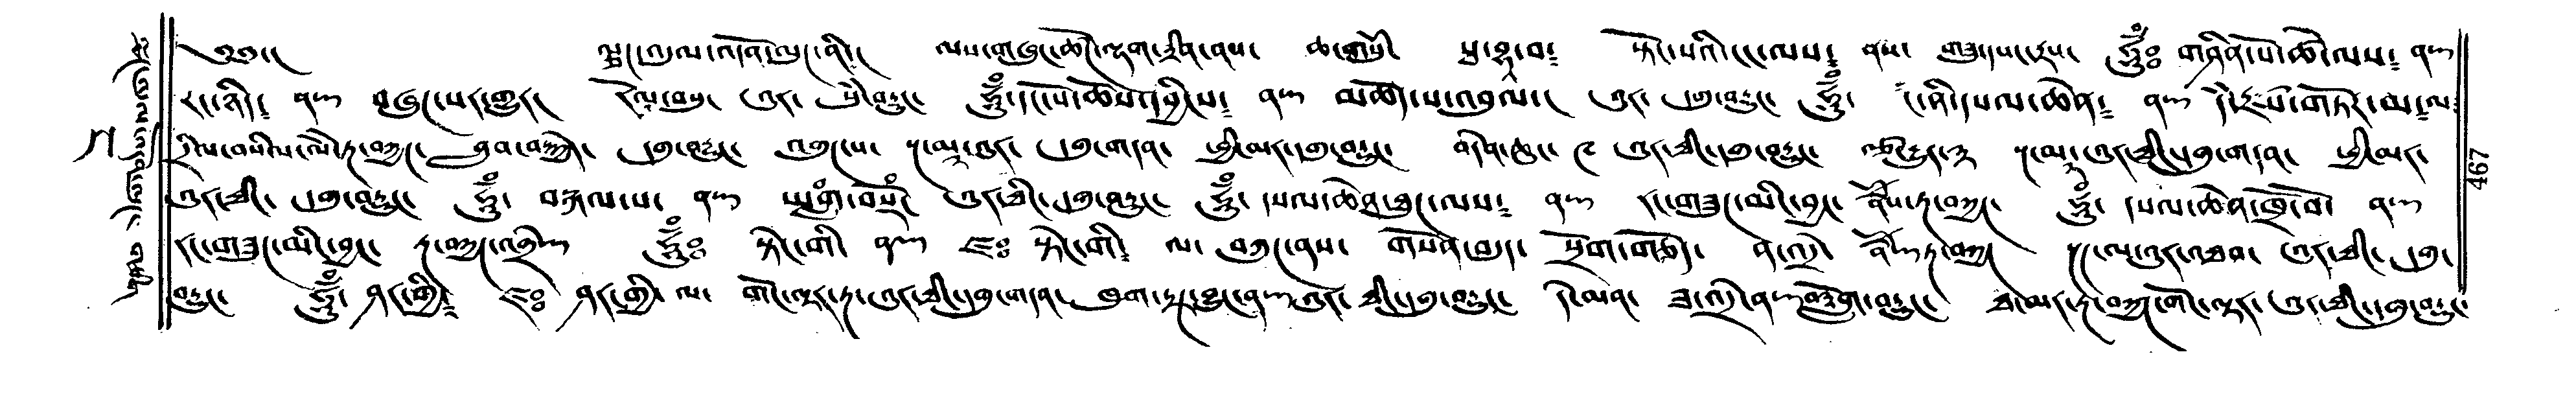༄༅། ལྕགས་འདུལ་འདོན་ལུགས་ནི། ལས་གཞུང་ཚོགས་ལྷག་ཟིན་ནས། ཆ་གསུམ། སྭཔབྷཱབ༴ སྟོང་པའིང་ལས༴ ནས། གཟུད་ང་རྟས། ཧཱུྃ། གཤིནཔ་ོཔཚེཔལས༴ ནས། 
རངཔཉིད༴ ནས། བཞུགསཔ་རཔགྱུར། རོལཔབསུ། འུར། སུམཔརྡུངཔ། ཧཱུྃ། དངོསཔ་ོཔཆོསཔདབྱིངས༴ ནས། མཆོདཔ་པའབུལ། འུར། དགུཔརྡུངཔ། ཧཱུྃ། ངཔནིཔད་ལཔཆེན༴ ནས། དམཔརྫསཔགཏོརཔམ༴ ལ་
དྲིལཔབསིལཔལམཔརྔཔབཀྱགས། བྲུབཔབ ེད། དགུཔརྡུངཔ། འགུགསཔ་། སྔཔམཔགསུམཔའུར། དགུཔགདན། ཕྱིཔམརཔདགུཔརྡུངཔ། བདེནཔཆུངཔདགུ། འུརཔཐིངཔདགུཔརྡུངཔ། རྩཔརྒྱུདཔགསུམ། སྔཔམཔའུརཔཐིངཔདགུཔགདན། ཕྱིཔམར
འུར་ཐིང་། དགུ་རྡུང། ཧཱུྃ། བསྐལ་༴ ནས། ཡནཔལགཔབསྡོམ། འུརཔཐིངཔ། དགུཔརྡུངཔ། ཧཱུྃ། ད་ལཔཆེནཔཐུགསཔལས༴ ནས། རངཔགཟུགསཔམིངཔབྱང༴ རྣམསཔརྔཔབཀྱགས། ཧཱུྃ། ད་ལཔཆེནཔཁྲོཔབོ༴ ནས། 
རངཔགཟུགསཔམིངཔབྱང༴ རྔཔབཀྱགསཔའགྲེས། ཧཱུྃ། སྟེངཔགི༴ ནས། ཛཿ སྟེངཔགི༴ ལཔབཀུགཔནས། གསོནཔབདུད༴ སྲོགཔགཅོད༴ ནཔའདྲེ༴ རྣམསཔརྔཔབཀྱགས། སྔགསཔལཔའུརཔའཐབ། འུརཔཐིངཔ། དགུ་
རྡུངཔ། ཧཱུྃ། ཤརཔགྱི༴ ཛཿ ཤརཔགྱི༴ ལཔགོངཔལྟརཔརྔཔའུརཔཐིངཔདགུཔགདན། ཁུགཔརྟགསཔབྱུངཔནསཔའུརཔཐིངཔདགུཔརྡུངཔ། དེཔམན། ཟཔའདྲེཔནསཔབཟློགཔརྡུངཔ། ཐཔམརཔརྔཔབཀྱགསཔགོངཔལྟར། འུརཔཐིངཔདགུཔརྡུངཔ།